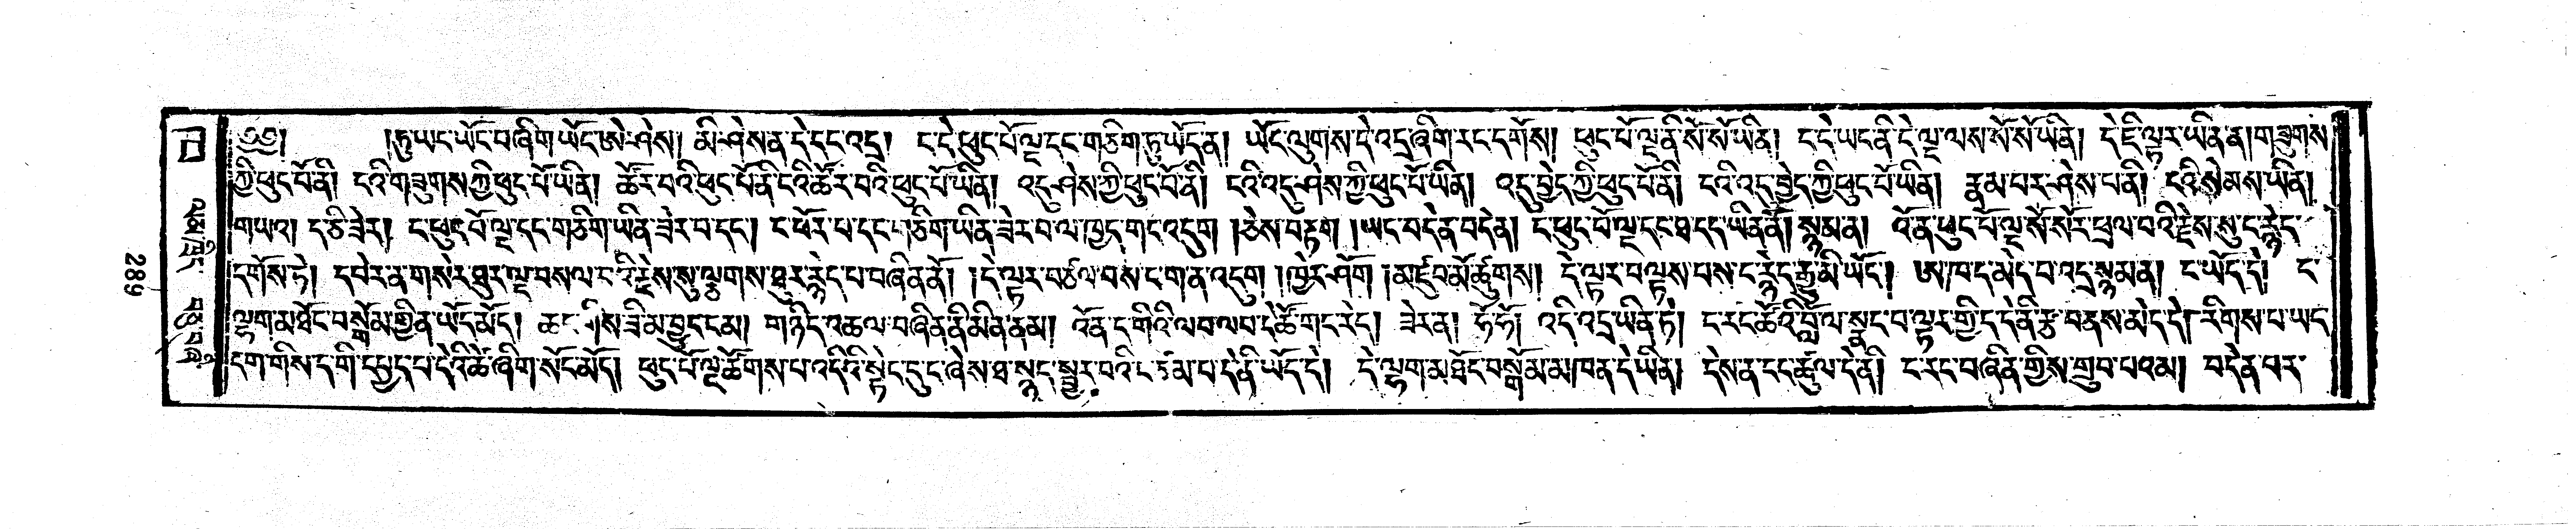༄༅། །ཏུ་ཡང་ཡོང་བཞིག་ཡོང་ཨེ་ཤེས། མི་ཤེས་ན་དེ་དང་འདྲ། ང་དེ་ཕུང་པོ་ལྔ་དང་གཅིག་ཏུ་ཡོད་ན། ཡོང་ལུགས་དེ་འདྲ་ཞིག་རང་དགོས། ཕུང་པོ་ལྔ་ནི་སོ་སོ་ཡིན། ང་དེ་ཡང་ནི་དེ་ལྔ་ལས་སོ་སོ་ཡིན། དེ་ཇི་ལྟར་ཡིན་ན། གཟུགས་
ཀྱི་ཕུང་པོ་ནི། དའི་གཟུགས་ཀྱི་ཕུང་པོ་ཡིན། ཚོར་བའི་ཕུང་པོ་ནི་ངའི་ཚོར་བའི་ཕུང་པོ་ཡིན། འདུ་ཤེས་ཀྱི་ཕུང་པོ་ནི། ངའི་འདུ་ཤེས་ཀྱི་ཕུང་པོ་ཡིན། འདུ་བྱེད་ཀྱི་ཕུང་པོ་ནི། ངའི་འདུ་བྱེད་ཀྱི་ཕུང་པོ་ཡིན། རྣམ་པར་ཤེས་པ་ནི། ངའི་སེམས་ཡིན།
གཡའ། ད་ཅི་ཟེར། ང་ཕུང་པོ་ལྔ་དང་གཅིག་ཡིན་ཟེར་བ་དང་། ང་ཕོར་པ་དང་གཅིག་ཡིན་ཟེར་བ་ལ་ཁྱད་གང་འདུག །ཅེས་བརྟག །ཡང་བདེན་བདེན། ད་ཕུང་པོ་ལྔ་དང་ཐ་དད་ཡིན་ནོ། སྙམ་ན། འོ་ན་ཕུང་པོ་ལྔ་སོ་སོར་ཕྲལ་བའི་རྗེས་སུ་ང་རྙེད་
དགོས་ཏེ། དབེར་ན་གསེར་ཐུར་ལྔ་བསལ་བའི་རྗེས་སུ་ལྕགས་ཐུར་རྙེད་པ་བཞིན་ནོ། །དེ་ལྟར་བཙལ་བས་ང་ག་ན་འདུག །ཁྱེར་ཤོག །མཛུབ་མོ་ཚུགས། དེ་ལྟར་བལྟས་པས་ང་རྙེད་རྒྱུ་མི་ཡོད། ཨ་ཁ་ད་མེད་པ་འདྲ་སྙམ་ན། ང་ཡོད་དེ། ང་
ལྷག་མཐོང་བསྒོམ་གྱིན་ཡོད་མོད། ཆང་གིས་ཟི་མ་བྱུང་ངམ། གཉིད་འཆལ་བཞིན་ནི་མིན་ནམ། འོན་ད་གིའི་ལབ་ལབ་དེ་ཚོ་གང་རེད། ཟེར་ན། ཧོ་ཧོ། འདི་འདྲ་ཡིན་ཏེ། ང་རང་ཚོའི་བློ་ལ་སྣང་བ་ལྟར་གྱི་ད་དེ་ནི་རྩ་བ་ནས་མེད་དེ། རིགས་པ་ཡང་
ངག་གིས་ད་གི་དཔྱད་པ་དེའི་ཚེ་ཞིག་སོང་མོད། ཕུང་པོ་ལྔ་ཚོགས་པ་འདིའི་སྟེང་དུ་ང་ཞེས་ཐ་སྙད་སྦྱར་བའི་ང་ཙམ་པ་དེ་ནི་ཡོད་དེ། དེ་ལྷག་མཐོང་བསྒོམ་མཁན་དེ་ཡིན། དེས་ན་ངང་ཚུལ་དེ་ནི། ང་རང་བཞིན་གྱིས་གྲུབ་པའམ། བདེན་པར་